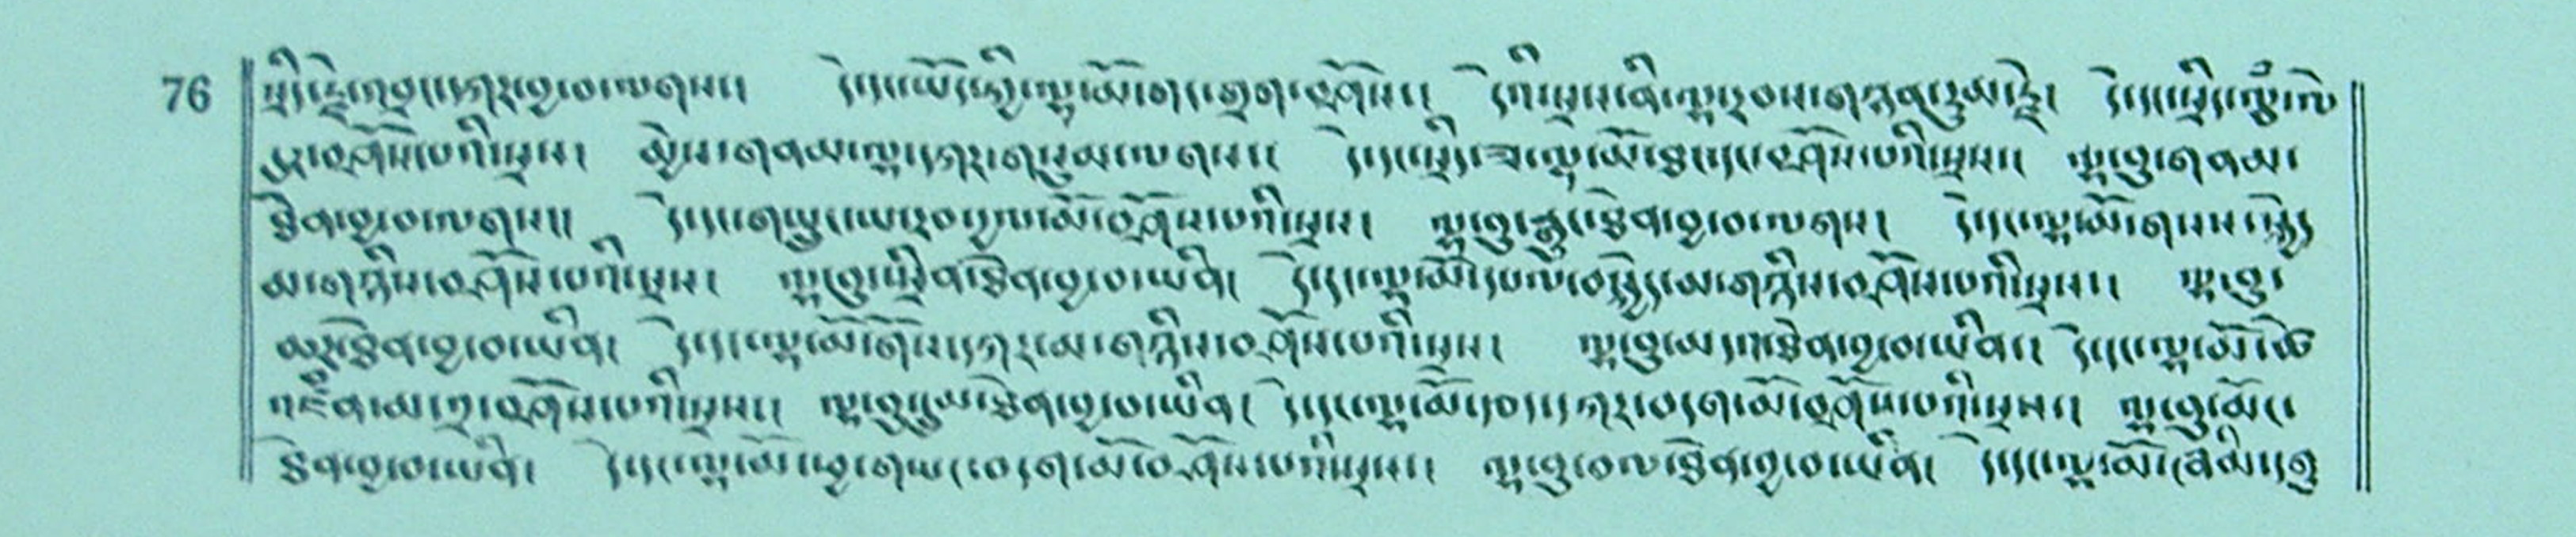སྲིད་རྗེ་འབྲང་དཀར་བྱ་བ་ལགས། དེ་དང་ཡོད་ཀྱི་ལྷ་མོ་གང་གྲག་བཤོས། དེ་ཡི་སྲས་ནི་ལྷ་རབས་གཉན་རུམ་རྗེ། དེ་དང་སྲིད་ལྕམ་ལེ་
དུར་བཤོས་པའི་སྲས། མྱེས་གནམ་ལྷ་དཀར་གསུམ་ལགས། དེ་དང་སྲིད་ཟ་ལྷ་མོ་ཐང་དང་བཤོས་པའི་སྲས། ལྷ་བུ་གནམ་
ཐེན་བྱ་བ་ལགས། དེ་དང་གཡུང་དྲུང་ཡ་རབ་རྒྱལ་མོ་བཤོས་པའི་སྲས། ལྷ་བུ་རྒྱུང་ཐེན་བྱ་བ་ཡིན། དེ་དང་ལྷ་མོ་གསས་སྐྱེད་
མ་གཉིས་བཤོས་པའི་སྲས། ལྷ་བུ་སྤྲིན་ཐེན་བྱ་བ་ཡིན། དེ་དང་ལྷ་མོ་དཔལ་བསྐྱེད་མ་གཉིས་བཤོས་པའི་སྲས། ལྷ་བུ་
ཆར་ཐེན་བྱ་བ་ཡིན། དེ་དང་ལྷ་མོ་གོས་དཀར་མ་གཉིས་བཤོས་པའི་སྲས། ལྷ་བུ་མདའ་ཐེན་བྱ་བ་ཡིན། དེ་དང་ལྷ་མོ་ཚེ་
འཛིན་མ་གཉིས་བཤོས་པའི་སྲས། ལྷ་བུ་དྲུམ་ཐེན་བྱ་བ་ཡིན། དེ་དང་ལྷ་མོ་རྩ་དཀར་བདག་མོ་བཤོས་པའི་སྲས། ལྷ་བུ་མོང་
ཐེན་བྱ་བ་ཡིན། དེ་དང་ལྷ་མོ་ཕྱྭ་གཡང་བདག་མོ་བཤོས་པའི་སྲས། ལྷ་བུ་བལ་ཐེན་བྱ་བ་ཡིན། དེ་དང་ལྷ་མོ་ཞིམ་དགུ་